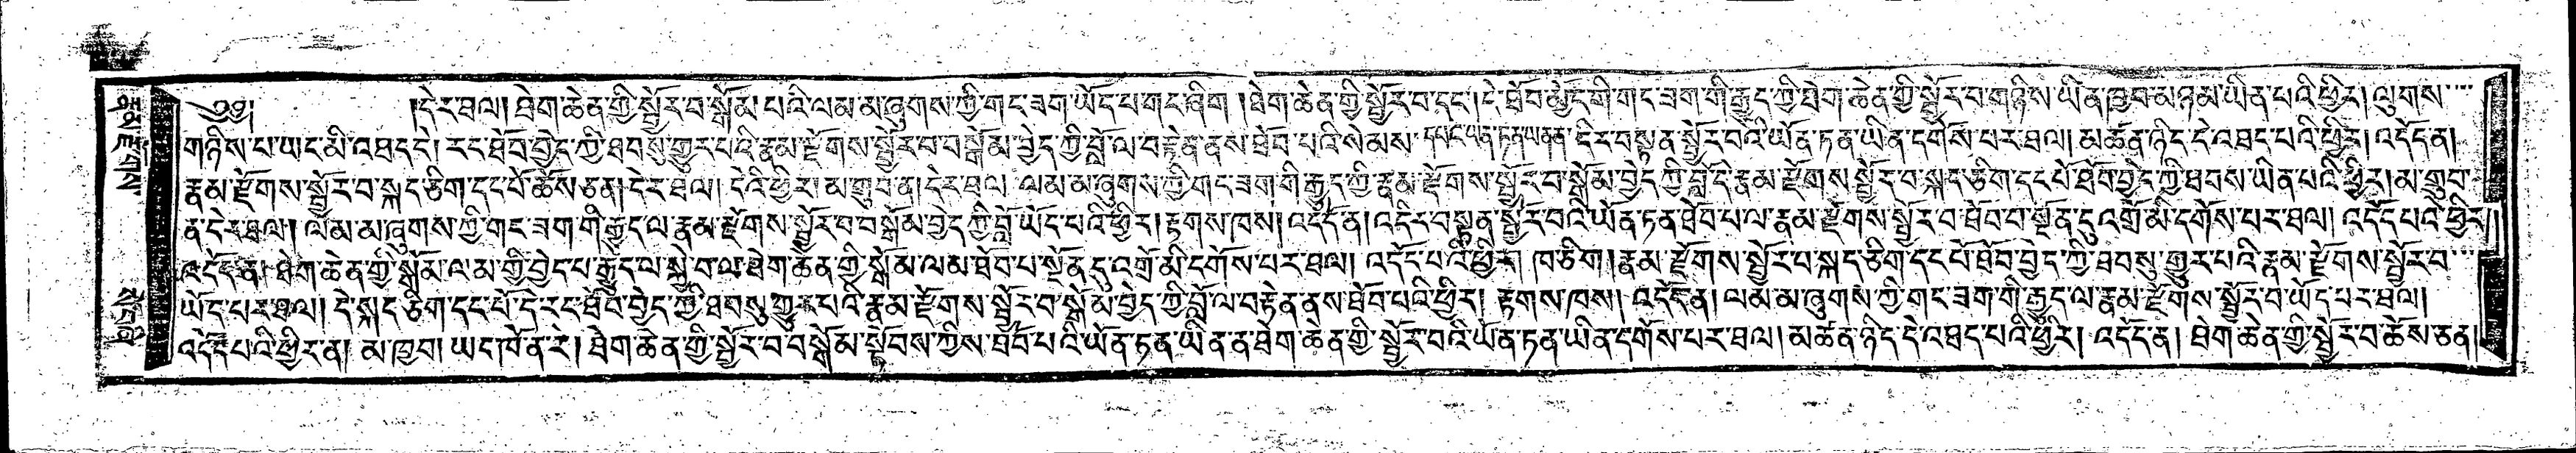༄༅། །དེར་ཐལ། ཐེག་ཆེན་གྱི་སྦྱོར་བ་སྒོམ་པའི་ལམ་མ་ཞུགས་ཀྱི་གང་ཟག་ཡོད་པ་གང་ཞིག །ཐེག་ཆེན་གྱི་སྦྱོར་བ་དང་། དེ་ཐོབ་མྱོང་གི་གང་ཟག་གི་རྒྱུད་ཀྱི་ཐེག་ཆེན་གྱི་སྦྱོར་བ་གཉིས་ཡིན་ཁྱབ་མཉམ་ཡིན་པའི་ཕྱིར། ལུགས་
གཉིས་པ་ཡང་མི་འཐད་དེ། རང་ཐོབ་བྱེད་ཀྱི་ཐབས་སུ་གྱུར་པའི་རྣམ་རྫོགས་སྦྱོར་བ་བསྒོམ་བྱེད་ཀྱི་བློ་ལ་བརྟེན་ནས་ཐོབ་པའི་སེམས་དཔའི་ཡོན་ཏན་ཡིན་ན་འདིར་བསྟན་སྦྱོར་བའི་ཡོན་ཏན་ཡིན་དགོས་པར་ཐལ། མཚན་ཉིད་དེ་འཐད་པའི་ཕྱིར། འདོད་ན།
རྣམ་རྫོགས་སྦྱོར་བ་སྐད་ཅིག་དང་པོ་ཆོས་ཅན། དེར་ཐལ། དེའི་ཕྱིར། མ་གྲུབ་ན། དེར་ཐལ། ལམ་མ་ཞུགས་ཀྱི་གང་ཟག་གི་རྒྱུད་ཀྱི་རྣམ་རྫོགས་སྦྱོར་བ་སྒོམ་བྱེད་ཀྱི་བློ་དེ་རྣམ་རྫོགས་སྦྱོར་བ་སྐད་ཅིག་དང་པོ་ཐོབ་བྱེད་ཀྱི་ཐབས་ཡིན་པའི་ཕྱིར། མ་གྲུབ་
ན་དེར་ཐལ། ལམ་མ་ཞུགས་ཀྱི་གང་ཟག་གི་རྒྱུད་ལ་རྣམ་རྫོགས་སྦྱོར་བ་བསྒོམ་བྱེད་ཀྱི་བློ་ཡོད་པའི་ཕྱིར། རྟགས་ཁས། འདོད་ན། འདིར་བསྟན་སྦྱོར་བའི་ཡོན་ཏན་ཐོབ་པ་ལ་རྣམ་རྫོགས་སྦྱོར་བ་ཐོབ་པ་སྔོན་དུ་འགྲོ་མི་དགོས་པར་ཐལ། འདོད་པའི་ཕྱིར། །
འདོད་ན། ཐེག་ཆེན་གྱི་སྒོམ་ལམ་གྱི་བྱེད་པ་རྒྱུད་ལ་སྐྱེ་བ་ལ་ཐེག་ཆེན་གྱི་སྒོམ་ལམ་ཐོབ་པ་སྔོན་དུ་འགྲོ་མི་དགོས་པར་ཐལ། འདོད་པའི་ཕྱིར། ཁ་ཅིག། རྣམ་རྫོགས་སྦྱོར་བ་སྐད་ཅིག་དང་པོ་ཐོབ་བྱེད་ཀྱི་ཐབས་སུ་གྱུར་པའི་རྣམ་རྫོགས་སྦྱོར་བ་
ཡོད་པར་ཐལ། དེ་སྐད་ཅིག་དང་པོ་དེ་རང་ཐོབ་བྱེད་ཀྱི་ཐབས་སུ་གྱུར་པའི་རྣམ་རྫོགས་སྦྱོར་བ་སྒོམ་བྱེད་ཀྱི་བློ་ལ་བརྟེན་ནས་ཐོབ་པའི་ཕྱིར། རྟགས་ཁས། འདོད་ན། ལམ་མ་ཞུགས་ཀྱི་གང་ཟག་གི་རྒྱུད་ལ་རྣམ་རྫོགས་སྦྱོར་བ་ཡོད་པར་ཐལ།
འདོད་པའི་ཕྱིར་ན། མ་ཁྱབ། ཡང་ཁོ་ན་རེ། ཐེག་ཆེན་གྱི་སྦྱོར་བ་བསྒོམ་སྟོབས་ཀྱིས་ཐོབ་པའི་ཡོན་ཏན་ཡིན་ན་ཐེག་ཆེན་གྱི་སྦྱོར་བའི་ཡོན་ཏན་ཡིན་དགོས་པར་ཐལ། མཚན་ཉིད་དེ་འཐད་པའི་ཕྱིར། འདོད་ན། ཐེག་ཆེན་གྱི་སྦྱོར་བ་ཆོས་ཅན།